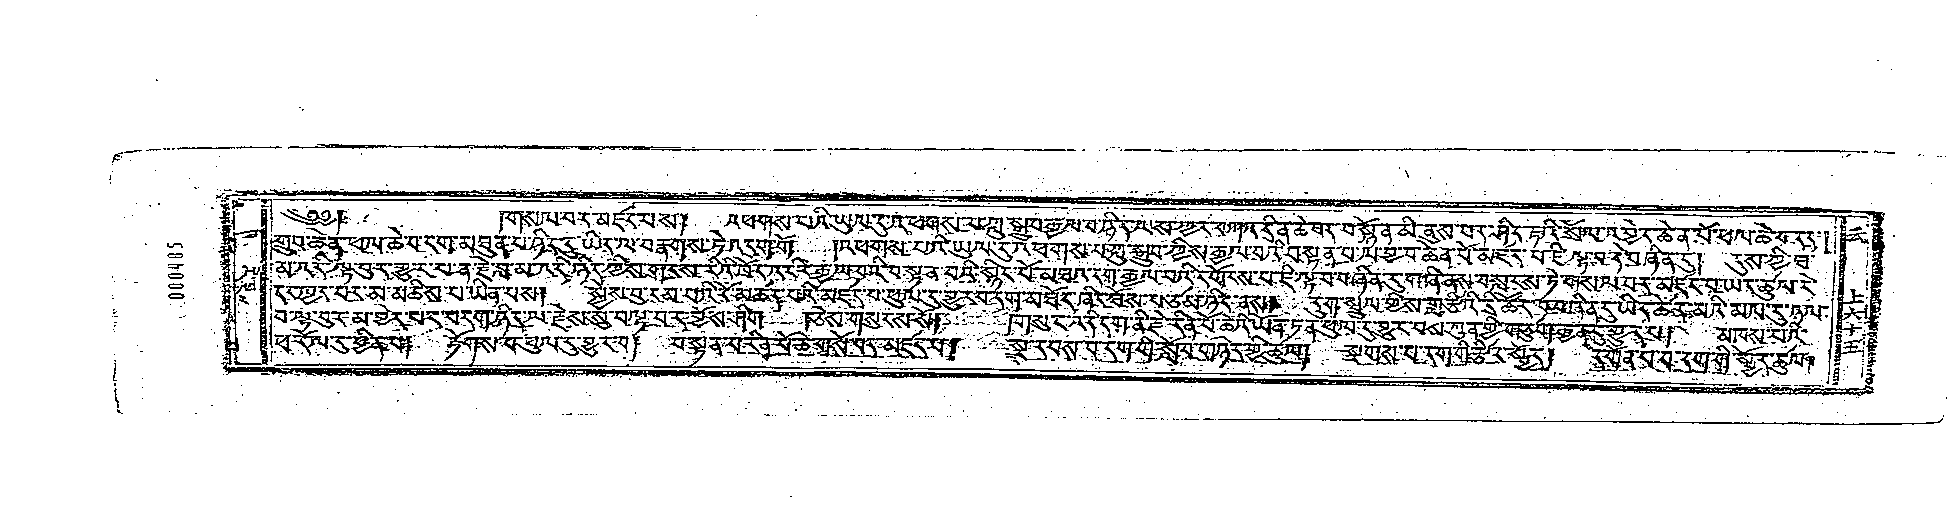༄༅། །གསལ་བར་མཛད་པས། འཕགས་པའི་ཡུལ་དུ་འཕགས་པ་ཀླུ་སྒྲུབ་རྒྱལ་བ་ཉིད་ལས་ཀྱང་བཀའ་དྲིན་ཆེ་བར་བསྙོན་མི་ནུས་པར་ཤིང་རྟའི་སྲོལ་འབྱེད་ཆེན་པོ་ཕལ་ཆེ་བ་དང་།
གྲུབ་ཆེན་ཕལ་ཆེ་བ་དག་མཐུན་པ་ཉིད་དུ་ཡིད་ལ་བརྣགས་ཏེ་འདུག་གོ །འཕགས་པའི་ཡུལ་དུ་འཕགས་པ་ཀླུ་སྒྲུབ་ཀྱིས་རྒྱལ་བའི་བསྟན་པ་ལ་བྱ་བ་ཆེན་པོ་མཛད་པ་ཇི་ལྟ་བ་དེ་བཞིན་དུ། དུས་ཀྱི་ཐ་
མ་འདི་ལྟ་བུར་གྱུར་པ་ན་རྗེ་བླ་མ་འདི་ཉིད་ཀྱིས་གངས་རིའི་ཁྲོད་འདིར་རྒྱལ་བའི་བསྟན་བའི་སྙིང་པོ་མཐའ་དག་རྒྱལ་བའི་དགོངས་པ་ཇི་ལྟ་བ་བཞིན་དུ་གཞི་ནས་བསླངས་ཏེ་གསལ་བར་མཛད་པ་ཡང་ཚུལ་དེ་
དང་ཁྱད་པར་མ་མཆིས་པ་ཡིན་པས། སྐྱེས་བུ་དམ་པའི་རོ་མཚར་པའི་མཛད་པ་ཕུལ་དུ་བྱུང་བ་དག་མཐོང་ཞིང་ཐོས་པ་ཙམ་ཉིད་ནས། དུག་སྤྲུལ་གྱིས་གླ་རྩིའི་དྲི་ཚོར་བ་བཞིན་དུ་ཡིད་ཚེར་མའི་མལ་དུ་ཉལ་
བ་ལྟ་བུར་མ་བྱེད་པར་བདག་ཉིད་ལ་རྗེས་སུ་བལྟ་བར་བྱོས་ཤིག །ཅེས་གསུངས་སོ། །གསུང་འདི་དག་ནི་རྗེ་རིན་པོ་ཆེའི་ཡོན་ཏན་ཕུལ་དུ་བྱུང་བས་ཀུན་གྱི་གཙུག་རྒྱན་དུ་གྱུར་པ། མཁས་པའི་
ཕ་རོལ་དུ་ཕྱིན་པ། རྟོགས་པ་ཕུལ་དུ་བྱུང་བ། བསྟན་པ་རིན་པོ་ཆེ་གསོ་བར་མཛད་པ། སྔ་རབས་པ་དག་གི་སློབ་གཉེར་གྱི་ཚུལ། སྔགས་པ་དག་གི་རྩིར་སྤྱོད། དགོན་པ་བ་དག་གི་སྦྱོར་ཚུལ།